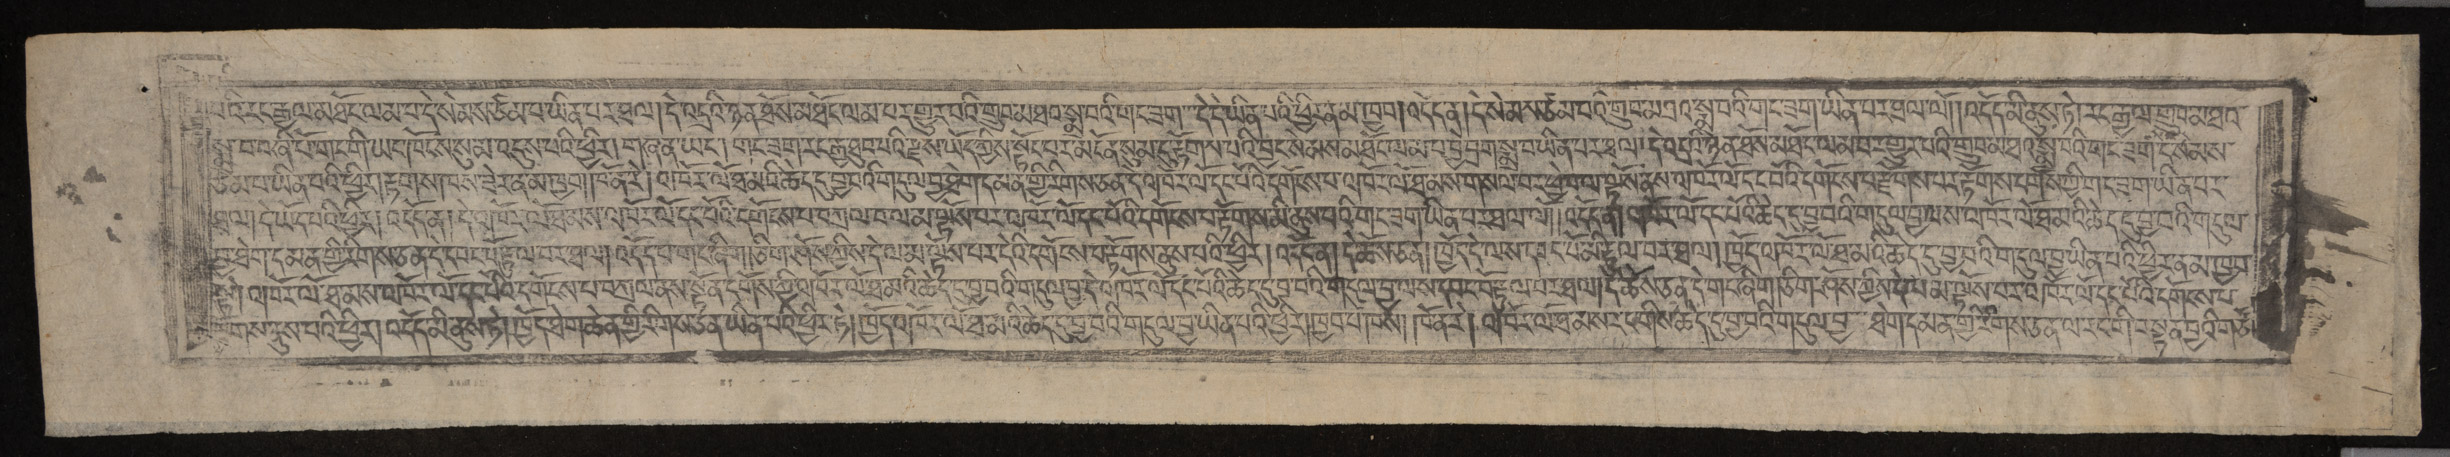པའི་རང་རྒྱལ་མཐོང་ལམ་པ་དེ་སེམས་ཙམ་པ་ཡིན་པར་ཐལ། དེ་འདྲའི་ཉན་ཐོས་མཐོང་ལམ་པར་གྱུར་པའི་གྲུབ་མཐའ་སྨྲ་བའི་གང་ཟག་དེ་དེ་ཡིན་པའི་ཕྱིར་ན་མ་ཁྱབ། འདོད་ན། དེ་སེམས་ཙམ་པའི་གྲུབ་མཐའ་སྨྲ་བའི་གང་ཟག་ཡིན་པར་ཐལ་ལོ། །འདོད་མི་ནུས་ཏེ། རང་རྒྱལ་གྲུབ་མཐའ་
སྨྲ་བ་བཞི་པོ་གང་གི་ཡང་ཁོངས་སུ་མ་འདུས་པའི་ཕྱིར། གཞན་ཡང་། གང་ཟག་རང་རྐྱ་ཐུབ་པའི་རྫས་ཡོད་ཀྱིས་སྟོང་པར་མངོན་སུམ་དུ་རྟོགས་པའི་བྱང་སེམས་མཐོང་ལམ་པ་བྱེ་བྲག་སྨྲ་བ་ཡིན་པར་ཐལ། དེ་འདྲའི་ཉན་ཐོས་མཐོང་ལམ་བར་གྱུར་པའི་གྲུབ་མཐའ་སྨྲ་བའི་གང་ཟག་དེ་སེམས་
ཙམ་པ་ཡིན་པའི་ཕྱིར། རྟགས་ཁས་ཟེར་ན་མ་ཁྱབ། ཁོ་ན་རེ། འཁོར་ལོ་ཐ་མའི་ཆེད་དུ་བྱ་བའི་གདུལ་བྱ་ཐེག་དམན་གྱི་རིགས་ཅན་དེ་འཁོར་ལོ་དང་པོའི་དགོངས་པ་འཁོར་ལོ་ཐ་མས་གསལ་བར་ཕྱེ་བ་ལ་ལྟོས་ནས་འཁོར་ལོ་དང་པོའི་དགོངས་པ་རྫོགས་པར་རྟོགས་དགོས་ཀྱི་གང་ཟག་ཡིན་པར་
ཐལ། དེ་ཡོད་པའི་ཕྱིར། འདོད་ན། དེ་འཁོར་ལོ་ཐ་མས་འཁོར་ལོ་དང་པོའི་དགོངས་པ་བཀྲལ་བ་ལ་མ་ལྟོས་པར་འཁོར་ལོ་དང་པོའི་དགོངས་པ་རྟོགས་མི་ནུས་པའི་གང་ཟག་ཡིན་པར་ཐལ་ལོ། །འདོད་ན། འཁོར་ལོ་དང་པོའི་ཆེ་དུ་བྱ་བའི་གདུལ་བྱ་ལས་འཁོར་ལོ་ཐ་མའི་ཆེ་དུ་བྱ་བའི་གདུལ་
བྱ་ཐེག་དམན་གྱི་རིགས་ཅན་དེ་དབང་པོ་རྟུལ་བར་ཐལ། འདོད་པ་གང་ཞིག། ཅིག་ཤོས་ཀྱིས་དེ་ལ་མ་ལྟོས་པར་དེའི་དགོངས་པ་རྟོགས་ནུས་པའི་ཕྱིར། འདོད་ན། དེ་ཆོས་ཅན། ཁྱོད་དེ་ལས་དབང་པོ་མི་རྟུལ་བར་ཐལ། ཁྱོད་འཁོར་ལོ་ཐ་མའི་ཆེད་དུ་བྱ་བའི་གདུལ་བྱ་ཡིན་པའི་ཕྱིར་ན་མ་ཁྱབ་
སྟེ། འཁོར་ལོ་ཐ་མས་འཁོར་ལོ་དང་པོའི་དགོངས་པ་བཀྲལ་ནས་སྟོན་དགོས་ཀྱི་འཁོར་ལོ་ཐ་མའི་ཆེད་དུ་བྱ་བའི་གདུལ་བྱ་དེ་འཁོར་ལོ་དང་པོའི་ཆེད་དུ་བྱ་བའི་གདུལ་བྱ་ལས་དབང་པོ་རྟུལ་པར་ཐལ། དེ་ཆེས་ཅན་དེ་གང་ཞིག །ཅིག་ཤོས་ཀྱིས་དེ་ལ་མ་ལྟོས་པར་འཁོར་ལོ་དང་པོའི་དགོངས་པ་
རྟོགས་ནུས་པའི་ཕྱིར། འདོད་མི་ནུས་ཏེ། ཁྱོད་ཐེག་ཆེན་གྱི་རིགས་ཅན་ཡིན་པའི་ཕྱིར་ཏ། ཁྱོད་འཁོར་ལོ་ཐ་མའི་ཆེ་དུ་བྱ་བའི་གདུལ་བྱ་ཡིན་པའི་ཕྱིར། ཁྱབ་པ་ཁས། ཁོ་ན་རེ། འཁོར་ལོ་ཐ་མས་རང་གིས་ཆེད་དུ་བྱ་བའི་གདུལ་བྱ་ཐེག་དམན་གྱི་རིགས་ཅན་ལ་རང་གི་བསྟན་བྱའི་གཙ་